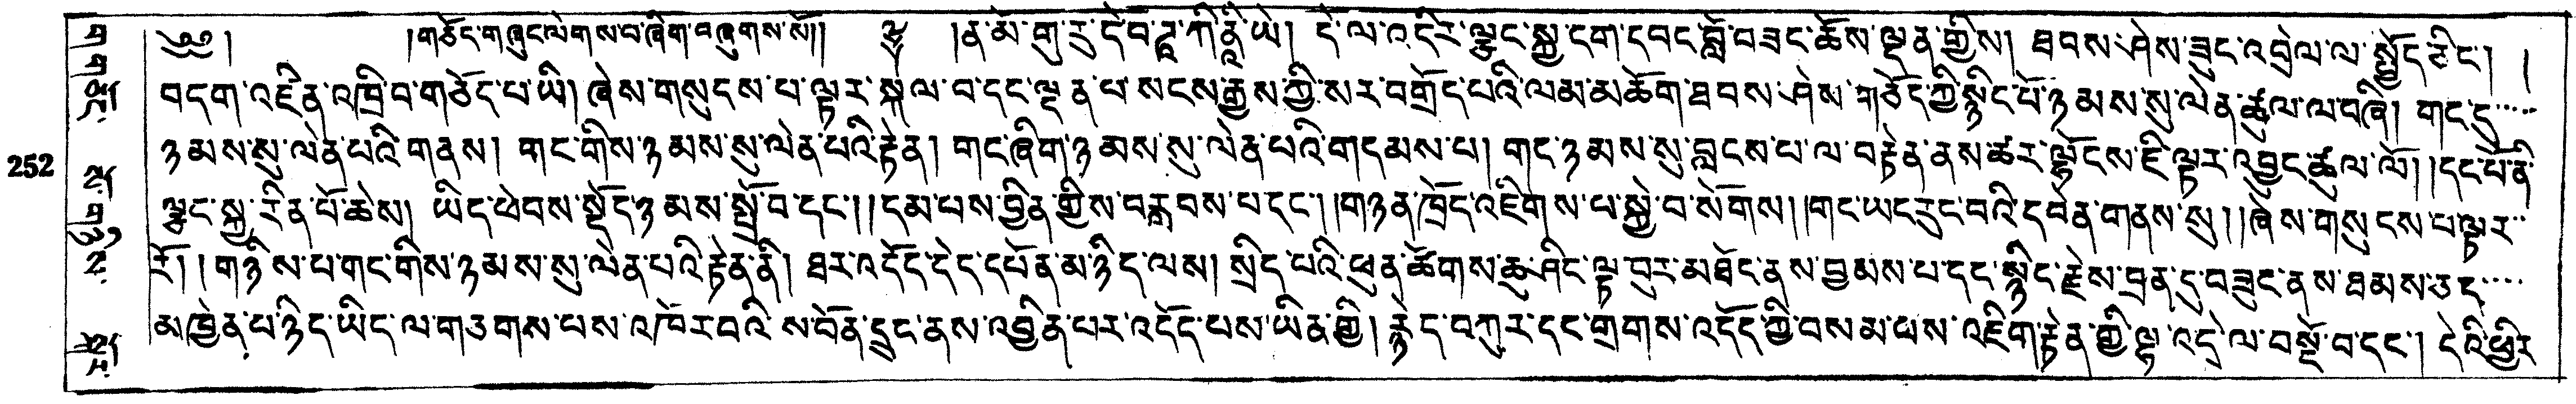༄༅། ། གཅོད་གཞུང་ལེགས་པ་ཞིག་བཞུགས་སོ།། ༈ །ན་མོ་གུ་རུ་དེ་བ་ཌཱ་ཀི་ནཱི་ཡེ། དེ་ལ་འདིར་ལྕང་སྐྱ་ངག་དབང་བློ་བཟང་ཆོས་ལྡན་གྱིས། ཐབས་ཤེས་ཟུང་འབྲེལ་ལ་སྤྱོད་ཅིང་། །
བདག་འཛིན་འཁྲི་བ་གཅོད་པ་ཡི། ཞེས་གསུངས་པ་ལྟར་སྐལ་བ་དང་ལྡན་པ་སངས་རྒྱས་ཀྱི་སར་བགྲོད་པའི་ལམ་མཆོག་ཐབས་ཤེས་གཅོད་ཀྱི་སྙིང་པོ་ཉམས་སུ་ལེན་ཚུལ་ལ་བཞི། གང་དུ་
ཉམས་སུ་ལེན་པའི་གནས། གང་གིས་ཉམས་སུ་ལེན་པའི་རྟེན། གང་ཞིག་ཉམས་སུ་ལེན་པའི་གདམས་པ། གང་ཉམས་སུ་བླངས་པ་ལ་བརྟེན་ནས་ཚར་ལྷོངས་ཇི་ལྟར་འབྱུང་ཚུལ་ལོ། །དང་པོ་ནི་
ལྕང་སྐྱ་རིན་པོ་ཆེས། ཡིད་ཕེབས་སྡོད་ཉམས་སྤྲོ་བ་དང་། །དམ་པས་བྱིན་གྱིས་བརླབས་པ་དང་། །གཉན་ཁྲོད་འཇིགས་པ་སྐྱེ་བ་སོགས། །གང་ཡང་རུང་བའི་དབེན་གནས་སུ། །ཞེས་གསུངས་པ་ལྟར་
རོ། །གཉིས་པ་གང་གིས་ཉམས་སུ་ལེན་པའི་རྟེན་ནི། ཐར་འདོད་དེད་དཔོན་མ་ཉིད་ལས། སྲིད་པའི་ཕུན་ཚོགས་ཆུ་ཤིང་ལྟ་བུར་མཐོང་ནས་བྱམས་པ་དང་སྙིང་རྗེས་བྲན་དུ་བཟུང་ནས་ཐམས་ཅད་
མཁྱེན་པ་ཉིད་ཡིད་ལ་གཅགས་པས་འཁོར་བའི་ས་བོན་དྲུང་ནས་འབྱིན་པར་འདོད་པས་ཡིན་གྱི། རྙེད་བཀུར་དང་གྲགས་འདོད་ཀྱི་བསམ་པས་འཇིག་རྟེན་གྱི་ལྷ་འདྲེ་ལ་བསྔོ་བ་དང་། དེའི་ཕྱིར་